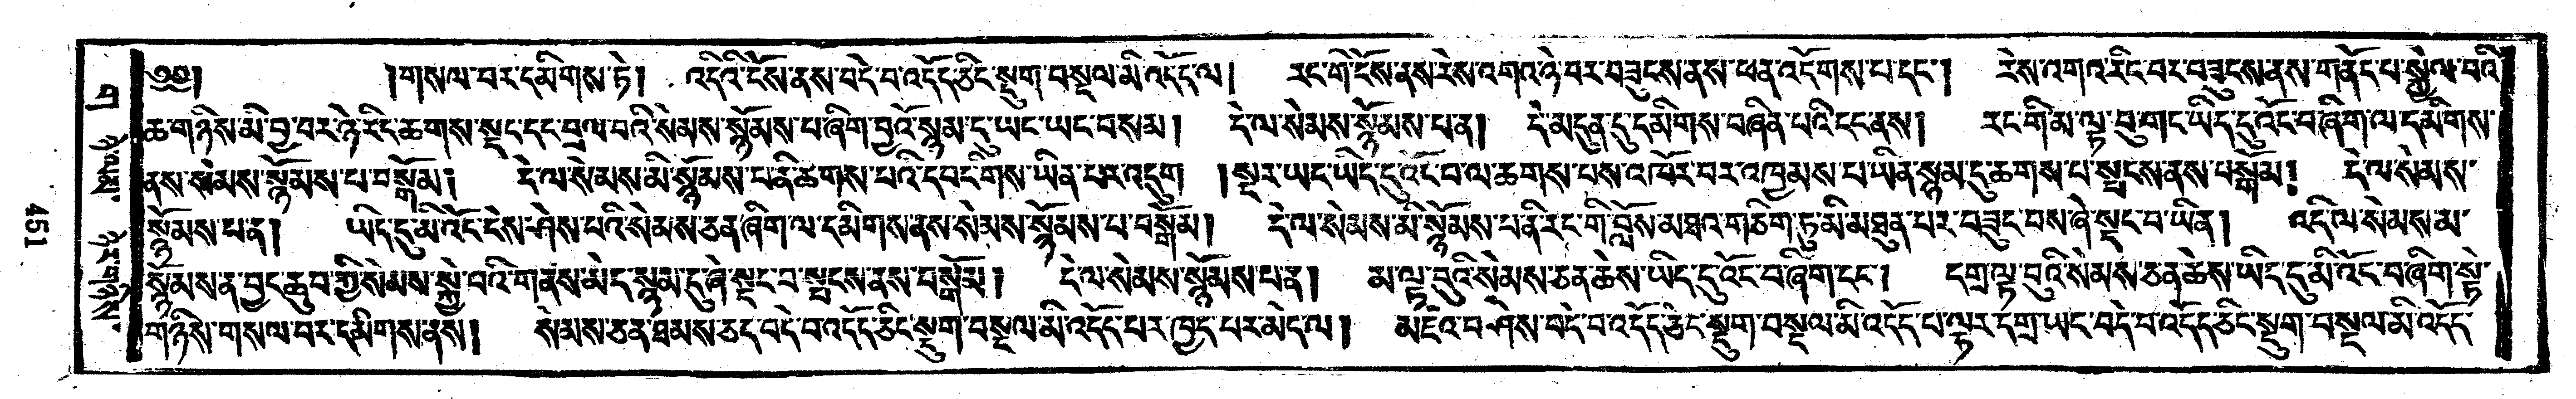༄༅། །གསལ་བར་དམིགས་ཏེ། འདིའི་ངོས་ནས་བདེ་བ་འདོད་ཅིང་སྡུག་བསྔལ་མི་འདོད་ལ། རང་གི་ངོས་ནས་རེས་འགའ་ཉེ་བར་བཟུངས་ནས་ཕན་འདོགས་པ་དང་། རེས་འགའ་རིང་བར་བཟུངས་ནས་གནོད་པ་སྐྱེལ་བའི་
ཆ་གཉིས་མི་བྱ་བར་ཉེ་རིང་ཆགས་སྡང་དང་བྲལ་བའི་སེམས་སྙོམས་པ་ཞིག་བྱའོ་སྙམ་དུ་ཡང་ཡང་བསམ། དེ་ལ་སེམས་སྙོམས་པ་ན། དེ་མདུན་དུ་དམིགས་བཞིན་པའི་ངང་ནས། རང་གི་མ་ལྟ་བུ་གང་ཡིད་དུ་འོང་བ་ཞིག་ལ་དམིགས་
ནས་སེམས་སྙོམས་པ་བསྒོམ༑ དེ་ལ་སེམས་མི་སྙོམས་པ་ནི་ཆགས་པའི་དབང་གིས་ཡིན་པར་འདུག །སྔར་ཡང་ཡིད་དུ་འོང་བ་ལ་ཆགས་པས་འཁོར་བར་འཁྱམས་པ་ཡིན་སྙམ་དུ་ཆགས་པ་སྤངས་ནས་བསྒོམ། དེ་ལ་སེམས་
སྙོམས་པ་ན། ཡིད་དུ་མི་འོང་ངེས་ཤེས་པའི་སེམས་ཅན་ཞིག་ལ་དམིགས་ནས་སེམས་སྙོམས་པ་བསྒོམ། དེ་ལ་སེམས་མི་སྙོམས་པ་ནི་རང་གི་བློས་མཐའ་གཅིག་ཏུ་མི་མཐུན་པར་བཟུང་བས་ཞེ་སྡང་བ་ཡིན། འདི་ལ་སེམས་མ་
སྙོམས་ན་བྱང་ཆུབ་ཀྱི་སེམས་སྐྱེ་བའི་གནས་མེད་སྙམ་དུ་ཞེ་སྡང་བ་སྤངས་ནས་བསྒོམ། དེ་ལ་སེམས་སྙོམས་པ་ན། མ་ལྟ་བུའི་སེམས་ཅན་ཆེས་ཡིད་དུ་འོང་བ་ཞིག་དང་། དགྲ་ལྟ་བུའི་སེམས་ཅན་ཆེས་ཡིད་དུ་མི་འོང་བ་ཞིག་སྟེ་
གཉིས་གསལ་བར་དམིགས་ནས། སེམས་ཅན་ཐམས་ཅད་བདེ་བ་འདོད་ཅིང་སྡུག་བསྔལ་མི་འདོད་པར་ཁྱད་པར་མེད་ལ། མཛའ་བཤེས་བདེ་བ་འདོད་ཅིང་སྡུག་བསྔལ་མི་འདོད་པ་ལྟར་དགྲ་ཡང་བདེ་བ་འདོད་ཅིང་སྡུག་བསྔལ་མི་འདོད་